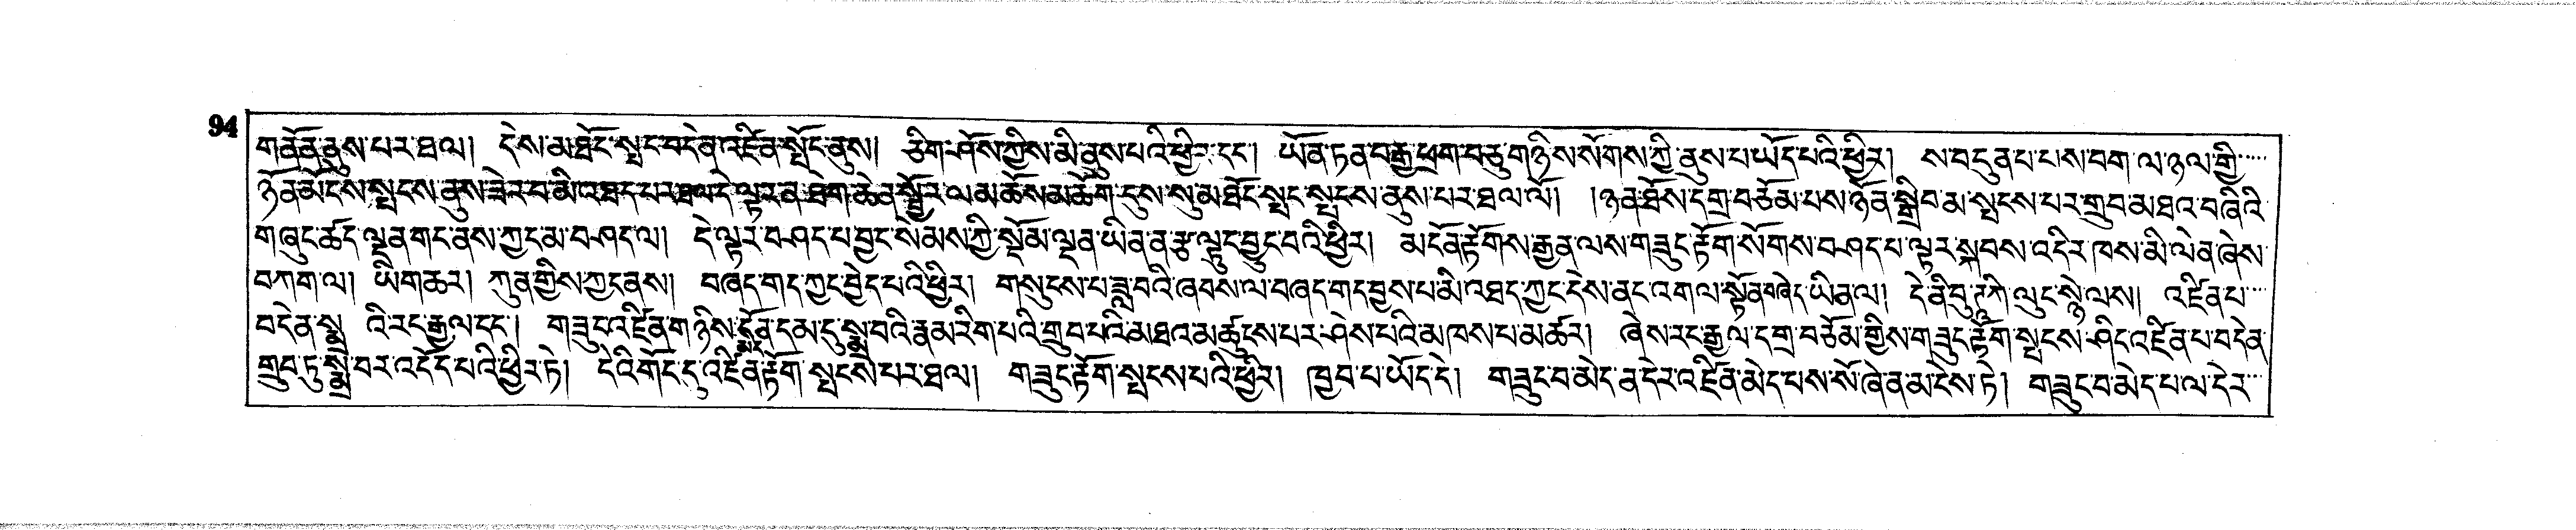གནོན་ནུས་པར་ཐལ། དེས་མཐོང་སྤང་བདེན་འཛིན་སྤོང་ནུས། ཅིག་ཤོས་ཀྱིས་མི་ནུས་པའི་ཕྱིར་དང་། ཡོན་ཏན་བརྒྱ་ཕྲག་བཅུ་གཉིས་སོགས་ཀྱི་ནུས་པ་ཡོད་པའི་ཕྱིར། ས་བདུན་པ་པས་བག་ལ་ཉལ་གྱི་
ཉོན་མོངས་སྤངས་ནུས་ཟེར་བ་མི་འཐད་པར་ཐལ་དེ་ལྟར་ན་ཐེག་ཆེན་སྦྱོར་ལམ་ཆོས་མཆོག་དུས་སུ་མཐོང་སྤང་སྤངས་ནུས་པར་ཐལ་ལོ། །ཉན་ཐོས་དགྲ་བཅོམ་པས་ཉོན་སྒྲིབ་མ་སྤངས་པར་གྲུབ་མཐའ་བཞིའི་
གཞུང་ཚད་ལྡན་གང་ནས་ཀྱང་མ་བཤད་ལ། དེ་ལྟར་བཤད་པ་བྱང་སེམས་ཀྱི་སྡོམ་ལྡན་ཡིན་ན་རྩ་ལྟུང་བྱུང་བའི་ཕྱིར། མངོན་རྟོགས་རྒྱན་ལས་གཟུང་རྟོགས་སོགས་བཤད་པ་ལྟར་སྐབས་འདིར་ཁས་མི་ལེན་ཞེས་
བཀག་ལ། ཡིག་ཆར། ཀུན་གྱིས་ཀྱང་ནས། བཞད་གད་ཀྱང་བྱེད་པའི་ཕྱིར། གསུངས་པ་ཟླ་བའི་ཞབས་ལ་བཞད་གད་བྱས་པ་མི་འཐད་ཀྱང་དེས་ནང་འགལ་སྟོན་བཞེད་ཡིན་ལ། དེ་ནི་བུ་ཊཱ་ཀི་ལུང་སྙེ་ལས། འཛིན་པ་
བདེན་སྨྲའི་རང་རྒྱལ་དང་། གཟུང་འཛིན་གཉིས་མང་དོན་དམ་དུ་སྨྲ་བའི་རྣམ་རིག་པའི་གྲུབ་པའི་མཐའ་མཚུངས་པར་ཤེས་པའི་མཁས་པ་མཚར། ཞེས་རང་རྒྱལ་དགྲ་བཅོམ་གྱིས་གཟུང་རྟོག་སྤངས་ཤིང་འཛིན་པ་བདེན་
གྲུབ་ཏུ་སྨྲ་བར་འདོད་པའི་ཕྱིར་ཏེ། དེའི་གོང་དུ་འཛིན་རྟོག་སྤངས་པར་ཐལ། གཟུང་རྟོགས་སྤངས་པའི་ཕྱིར། ཁྱབ་པ་ཡོད་དེ། གཟུང་བ་མེད་ན་དེར་འཛིན་མེད་པས་སོ་ཞེ་ན་མ་ངེས་ཏེ། གཟུང་བ་མེད་པ་ལ་དེར་